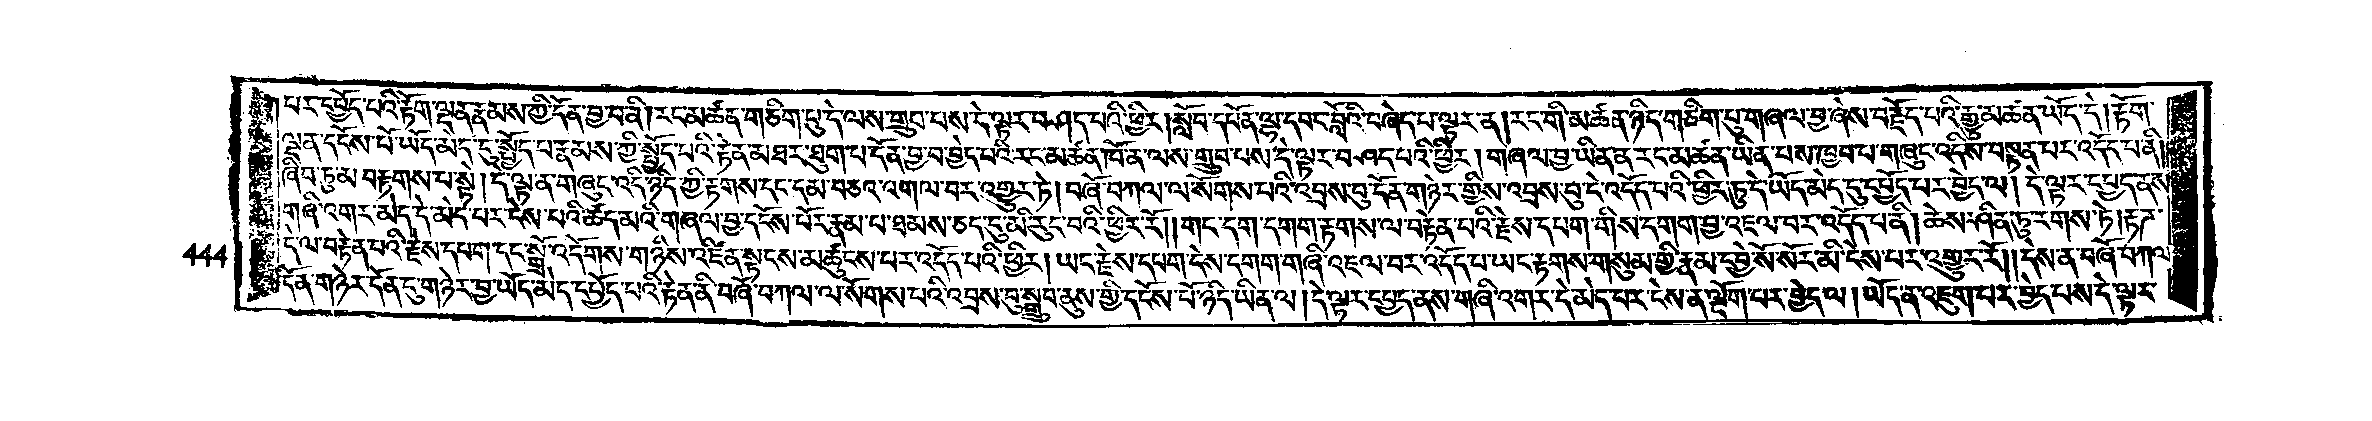པར་དཔྱོད་པའི་རྟོག་ལྡན་རྣམས་ཀྱི་དོན་བྱ་བ་ནི། རང་མཚན་གཅིག་པུ་དེ་ལས་གྲུབ་པས་དེ་ལྟར་བཤད་པའི་ཕྱིར། སློབ་དཔོན་ལྷ་དབང་བློའི་བཞེད་པ་ལྟར་ན། རང་གི་མཚན་ཉིད་གཅིག་པུ་གཞལ་བྱ་ཞེས་བརྗོད་པའི་རྒྱུ་མཚན་ཡོད་དེ། རྟོག་
ལྡན་དངོས་པོ་ཡོད་མེད་དུ་སྤྱོད་པ་རྣམས་ཀྱི་སྤྱོད་པའི་རྟེན་མཐར་ཐུག་པ་དོན་བྱ་བ་བྱེད་པའི་རང་མཚན་ཁོ་ན་ལས་གྲུབ་པས་དེ་ལྟར་བཤད་པའི་ཕྱིར། གཞལ་བྱ་ཡིན་ན་རང་མཚན་ཡིན་པས་ཁྱབ་པ་གཞུང་འདིས་བསྟན་པར་འདོད་པ་ནི།
ཞིབ་ཏུ་མ་བརྟགས་པ་སྟེ། དེ་ལྟ་ན་གཞུང་འདི་ཉིད་ཀྱི་རྟགས་དང་དམ་བཅའ་འགལ་བར་འགྱུར་ཏེ། བཞོ་བཀལ་ལ་སོགས་པའི་འབྲས་བུ་དོན་གཉེར་གྱིས་འབྲས་བུ་དེ་འདོད་པའི་ཕྱིར་ཏུ་དེ་ཡོད་མེད་དུ་དཔྱོད་པར་བྱེད་ལ། དེ་ལྟར་དཔྱད་ནས་
གཞི་འགར་མེད་དེ་མེད་པར་ངེས་པའི་ཚད་མའི་གཞལ་བྱ་དངོས་པོར་རྣམ་པ་ཐམས་ཅད་དུ་མི་རུང་བའི་ཕྱིར་རོ། །གང་དག་དགག་རྟགས་ལ་བརྟེན་པའི་རྗེས་དཔག་གིས་དགག་བྱ་འཇལ་བར་འདོད་པ་ནི། ཆེས་ཤིན་ཏུ་རགས་ཏེ། རྟཌ་
དེ་ལ་བརྟེན་པའི་རྗེས་དཔག་དང་སྒྲོ་འདོགས་གཉིས་འཛིན་སྟངས་མཚུངས་པར་འདོད་པའི་ཕྱིར། ཡང་རྗེས་དཔག་དེས་དགག་གཞི་འཇལ་བར་འདོད་པ་ཡང་རྟགས་གསུམ་གྱི་རྣམ་དབྱེ་སོ་སོར་མི་ངེས་པར་འགྱུར་རོ། །དེས་ན་བཞོ་བཀལ་
དོན་གཉེར་དོན་དུ་གཉེར་བྱ་ཡོད་མེད་དཔྱོད་པའི་རྟེན་ནི་བཞོ་བཀལ་ལ་སོགས་པའི་འབྲས་བུ་སྒྲུབ་ནུས་གྱི་དངོས་པོ་ཉིད་ཡིན་ལ། དེ་ལྟར་དཔྱད་ནས་གཞི་འགར་དེ་མེད་པར་ངེས་ན་ལྡོག་པར་བྱེད་ལ། ཡོད་ན་འཇུག་པར་བྱེད་པས་དེ་ལྟར་